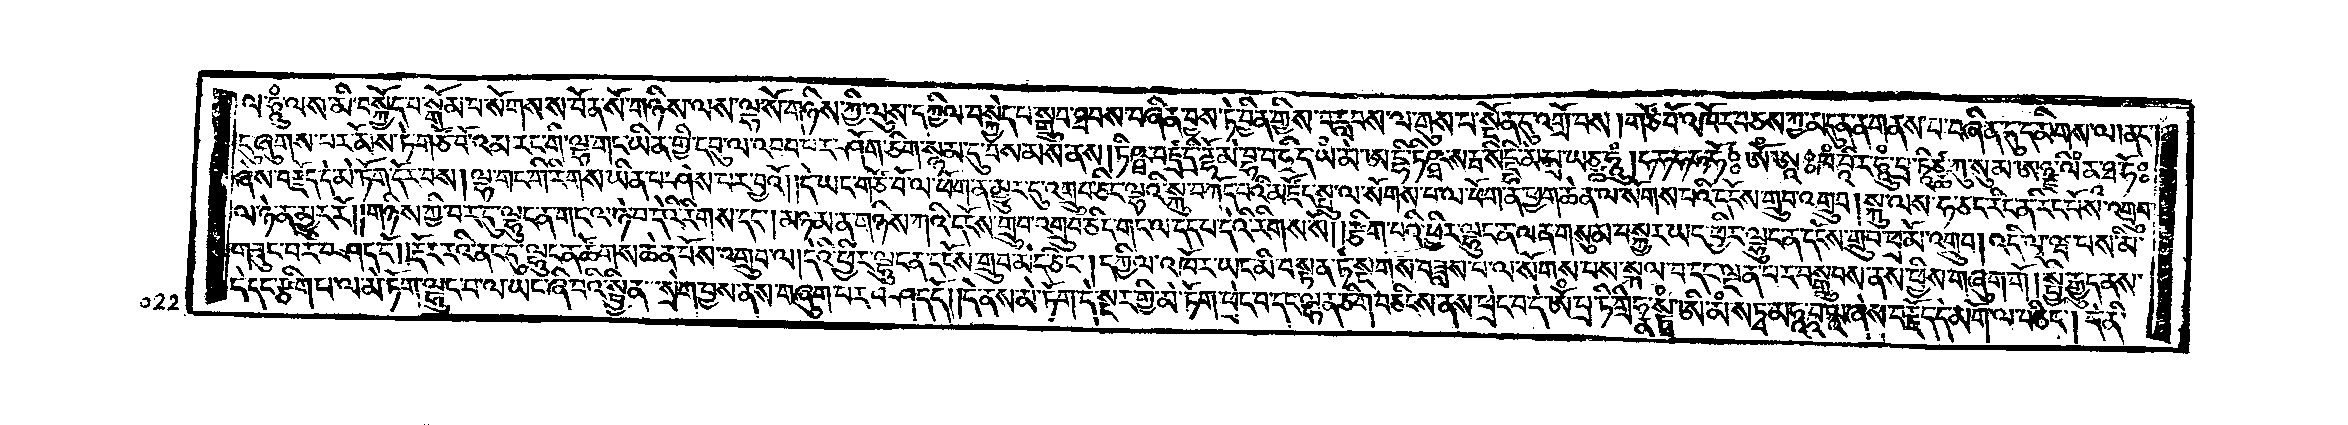ལ་ཧཱུཾ་ལས་མི་བསྐྱོད་པ་སྒོམ་པ་སོགས་ས་བོན་སོ་གཉིས་ལས་ལྷ་སོ་གཉིས་ཀྱི་ལུས་དཀྱིལ་བསྐྱེད་པ་སྒྲུབ་ཐབས་བཞིན་བྱས་ཏེ་བྱིན་གྱིས་བརླབས་ལ་གུས་པ་སྔོན་དུ་འགྲོ་བས། གཙོ་བོ་འཁོར་བཅས་ཀྱི་མདུན་ན་གནས་པ་བཞིན་དུ་དམིགས་ལ། ནང་
དུ་ཞུགས་པར་མོས་ཏེ་གཙོ་བོ་འམ་རང་གི་ལྷ་གང་ཡིན་གྱི་དབུ་ལ་འབབ་པར་ཤོག་ཅིག་སྙམ་དུ་བསམས་ནས། ཏིཥཊཿཨ་བཛྲ་དྲི་ཌྷོ་མེ་བྷ་བ་ཧྲི་ད་ཡཾ་མེ་ཨ་དྷི་ཏིཥྠ་སརྦ་སིདྡྷི་མེ་པྲ་ཡཙྪ་ཧཱུཾ་།ཧ་ཧ་ཧ་ཧ་ཧོཿ ཨོཾ་ཨཱཿ ཁཾ་བཱི་ར་ཧཱུཾ་པྲ་ཏཱིཙྪ་ཀུ་སུ་མ་ཨཉྫ་ལེཾ་ནཱ་ཐ་ཧོཿ
ཞེས་བརྗོད་དེ་མེ་ཏོག་དོར་བས། ལྷ་གང་གི་རིགས་ཡིན་པ་ཤེས་པར་བྱའོ། །དེ་ཡང་གཙོ་བོ་ལ་ཕོག་ན་མྱུར་དུ་འགྲུབ་ཅིང་ལྷའི་སྐུ་བཀོད་པའི་མཛོད་སྤུ་ལ་སོགས་པ་ལ་ཕོག་ན་ཕྱག་ཆེན་ལ་སོགས་པའི་དངོས་གྲུབ་འགྲུབ། སྐུ་ལས་ཧ་ཅང་རིང་ན་རིང་པོས་འགྲུབ་
ལ་ཉེ་ན་མྱུར་རོ། །གཉིས་ཀྱི་བར་དུ་ལྷུང་ན་གང་ལ་ཉེ་བ་དེའི་རིགས་དང་། མཉམ་ན་གཉིས་ཀའི་དངོས་གྲུབ་འགྲུབ་ཅིང་གང་ལ་དད་པ་དེའི་རིགས་སོ། །རྩིག་པའི་ཕྱིར་ལྷུང་ན་ལན་གསུམ་བསྐྱར་ཡང་ཕྱིར་ལྷུང་ན་དངོས་གྲུབ་ཕྲ་མོ་འགྲུབ། འདི་ལྭ་ཝ་པས་མི་
གཟུང་བར་བཤད་དོ། །རྡོར་རའི་ནང་དུ་ལྷུང་ན་ཚོགས་ཆེན་པོས་འགྲུབ་ལ། དེའི་ཕྱིར་ལྷུང་ན་དངོས་གྲུབ་མེད་ཅིང་། དཀྱིལ་འཁོར་ཡང་མི་བསྟན་ཏེ་སྔགས་བཟླས་པ་ལ་སོགས་པས་སྐལ་བ་དང་ལྡན་པར་བསྒྲུབས་ནས་ཕྱིས་གཞུག་གོ །སྤྱི་རྒྱུད་ནས་
དེ་དང་རྩིག་པ་ལ་མེ་ཏོག་ལྷུང་བ་ལ་ཡང་ཞི་བའི་སྦྱིན་སྲེག་བྱས་ནས་གཞུག་པར་བཤད་དོ། །དེ་ནས་མེ་ཏོག་དེ་སྔར་གྱི་མེ་ཏོག་ཕྲེང་བ་དང་ལྷན་ཅིག་བཅིངས་ནས་ཕྲེང་བ་དེ་ཨོཾ་པྲ་ཏི་གྲིཧྣ་སྟྭཾ་ཨི་མཾ་སཏྭ་མ་ཧཱ་བཱ་ལཱ་ཞེས་བརྗོད་དེ་མགོ་ལ་བཅིང་། དེ་ནི་